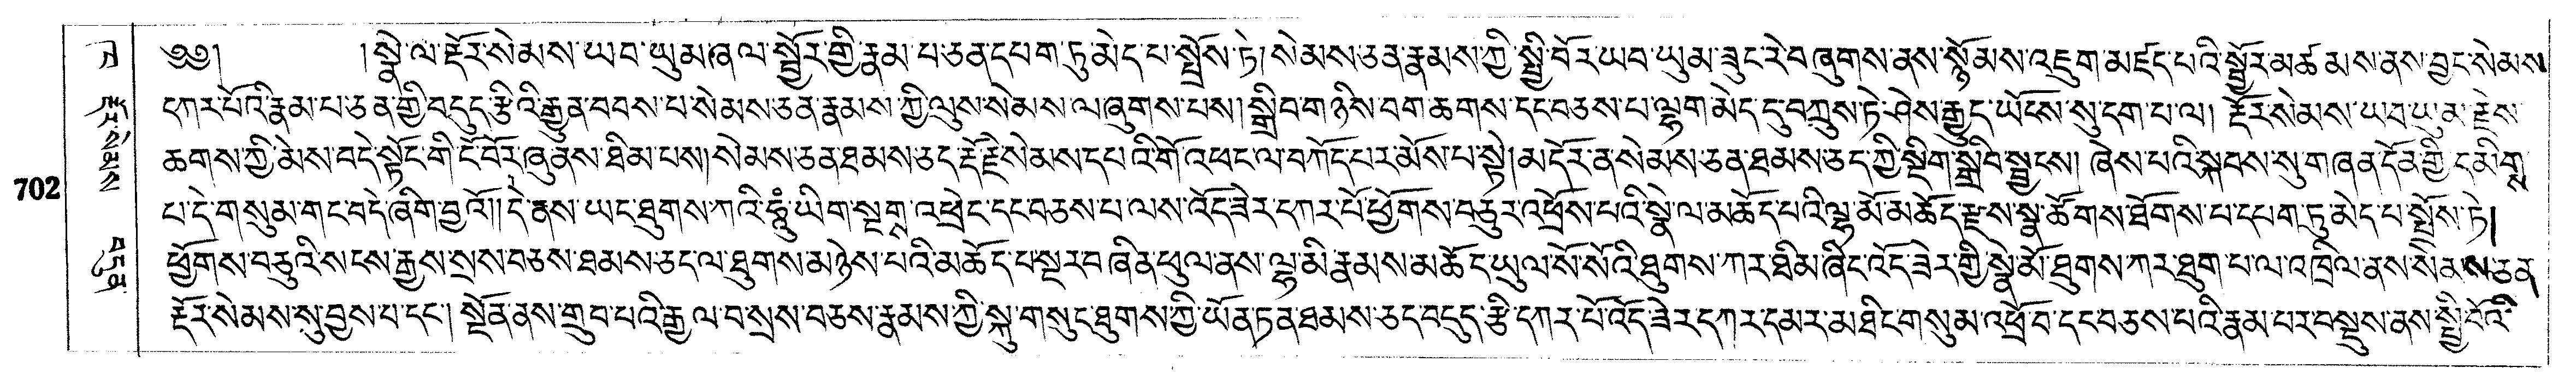༄༅། །སྣེ་ལ་རྡོར་སེམས་ཡབ་ཡུམ་ཞལ་སྦྱོར་གྱི་རྣམ་པ་ཅན་དཔག་ཏུ་མེད་པ་སྤྲོས་ཏེ། སེམས་ཅན་རྣམས་ཀྱི་སྤྱི་བོར་ཡབ་ཡུམ་ཟུང་རེ་བཞུགས་ནས་སྙོམས་འཇུག་མཛད་པའི་སྦྱོར་མཚམས་ནས་བྱང་སེམས་
དཀར་པོའི་རྣམ་པ་ཅན་གྱི་བདུད་རྩིའི་རྒྱུན་བབས་པ་སེམས་ཅན་རྣམས་ཀྱི་ལུས་སེམས་ལ་ཞུགས་པས། སྒྲིབ་གཉིས་བག་ཆགས་དང་བཅས་པ་ལྷག་མེད་དུ་བཀྲུས་ཏེ་ཤེས་རྒྱུད་ཡོངས་སུ་དག་པ་ལ། རྡོར་སེམས་ཡབ་ཡུམ་རྗེས་
ཆགས་ཀྱི་མེས་བདེ་སྟོང་གི་ངོ་བོར་ཞུ་ནས་ཐིམ་པས། སེམས་ཅན་ཐམས་ཅད་རྡོ་རྗེ་སེམས་དཔའི་གོ་འཕང་ལ་བཀོད་པར་མོས་པ་སྟེ། མདོར་ན་སེམས་ཅན་ཐམས་ཅད་ཀྱི་སྡིག་སྒྲིབ་སྦྱངས། ཞེས་པའི་སྐབས་སུ་གཞན་དོན་གྱི་དམིགས་
པ་དེ་གསུམ་གང་བདེ་ཞིག་བྱའོ། །དེ་ནས་ཡང་ཐུགས་ཀའི་ཧཱུཾ་ཡིག་སྔགས་འཕྲེང་དང་བཅས་པ་ལས་འོད་ཟེར་དཀར་པོ་ཕྱོགས་བཅུར་འཕྲོས་པའི་སྣེ་ལ་མཆོད་པའི་ལྷ་མོ་མཆོད་རྫས་སྣ་ཚོགས་ཐོགས་པ་དཔག་ཏུ་མེད་པ་སྤྲོས་ཏེ།
ཕྱོགས་བཅུའི་སངས་རྒྱས་སྲས་བཅས་ཐམས་ཅད་ལ་ཐུགས་མཉེས་པའི་མཆོད་པ་སྔར་བཞིན་ཕུལ་ནས་ལྷ་མི་རྣམས་མཆོད་ཡུལ་སོ་སོའི་ཐུགས་ཀར་ཐིམ་ཞིང་འོད་ཟེར་གྱི་སྣེ་མོ་ཐུགས་ཀར་ཐུག་པ་ལ་འཁྲིལ་ནས་སེམས་ཅན་
རྡོར་སེམས་སུ་བྱས་པ་དང་། སྔོན་ནས་གྲུབ་པའི་རྒྱལ་བ་སྲས་བཅས་རྣམས་ཀྱི་སྐུ་གསུང་ཐུགས་ཀྱི་ཡོན་ཏན་ཐམས་ཅད་བདུད་རྩི་དཀར་པོ་འོད་ཟེར་དཀར་དམར་མཐིང་གསུམ་འཕྲོ་བ་དང་བཅས་པའི་རྣམ་པར་བསྡུས་ནས་སྤྱི་བོའི་